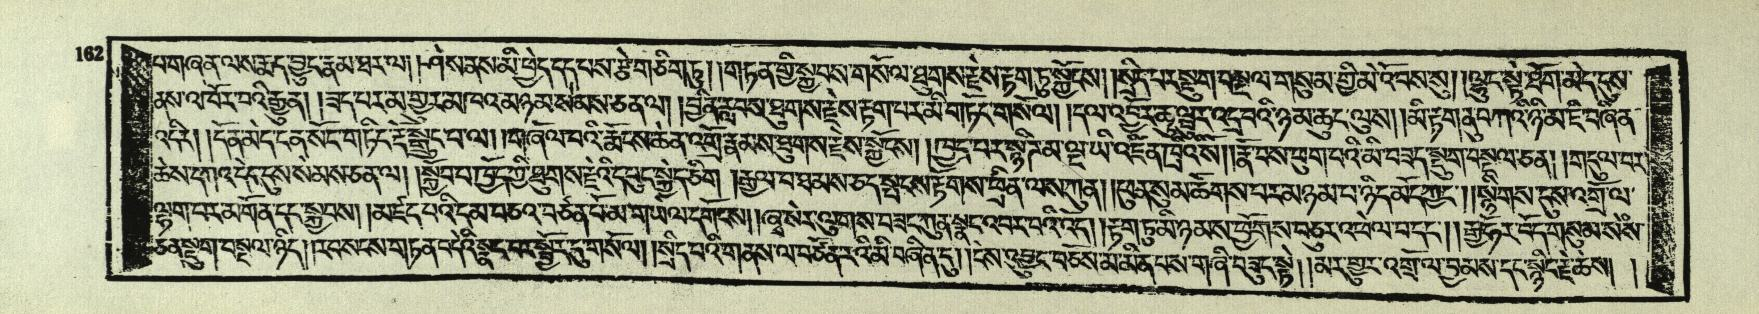པ་གཞན་ལས་རྨད་བྱུང་རྣམ་ཐར་ལ། །ཤེས་ནས་མི་ཕྱེད་དད་པས་རྩེ་གཅིག་ཏུ། །གཏན་གྱི་སྐྱབས་གསོལ་ཐུགས་རྗེས་རྟག་ཏུ་སྐྱོངས། །སྲིད་པར་སྡུག་བསྔལ་གསུམ་གྱི་མེ་འོ་བས་སུ། །ལྷུང་སྟེ་ཐོག་མེད་དུས་
ནས་འཁོར་བའི་རྒྱུན། །ཟད་པར་མ་གྱུར་མཁའ་མཉམ་སེམས་ཅན་ལ། །བྱིན་རླབས་ཐུགས་རྗེས་རྟག་པར་མི་གཏོང་གསོལ། །དལ་འབྱོར་ཆུ་ལྦུར་འདྲ་བའི་ཉམ་ཆུང་ལུས། །མི་རྟག་ནུ་བཀའི་ཉི་མ་ཇི་བཞིན་
འདིར། །དོན་མེད་ངན་སོང་གཏིང་རྡོ་སྒྲུང་བ་ལ། །གཞོལ་བའི་རྨོངས་ཆེན་འགྲོ་རྣམས་ཐུགས་རྗེས་སྐྱོངས། །ཁྱད་པར་སྙིཌ་མ་ལྔ་ཡི་འཛིན་ཁྲིའི་སོ། །རྣོ་བས་ཕུག་པའི་མི་བཟད་སྡུག་བསྔལ་ཅན། །གདུལ་བར་
ཆེས་དཀའ་དེང་དུས་སེམས་ཅན་ལ། །སྐྱོབ་པ་ཁྱོད་ཀྱི་ཐུགས་རྗེའི་དཔུང་སྐྱེད་ཅིག །རྒྱལ་བ་ཐམས་ཅད་སྤངས་རྟོགས་ཕྲིན་ལས་ཀུན། །ཕུན་སུམ་ཚོགས་པར་མཉམ་པ་ཉིད་མོད་ཀྱང་། །སྙིགས་དུས་འགྲོ་ལ་
ལྷག་པར་མགོན་དང་སྐྱབས། །མཛད་པའི་དམ་བཅའ་བཙན་པོ་མ་གཡེལ་དགོངས། །ཞྭ་སེར་ལུགས་བཟང་ཀུན་སྣང་འབར་བའི་འོད། །རྟག་ཏུ་མི་ཉམས་ཕྱོགས་བཅུར་འཕེལ་བ་དང་། །རྒྱ་ཧོར་བོད་གསུམ་སེཾས་
ཅན་སྡུག་བསྔལ་ཉིད། །རབ་སངས་གཏན་བདེའི་སྣང་བར་སྦྱོར་དུ་གསོལ། །སྲིད་པའི་གནས་ལ་བཙོན་རའི་མི་བཞིན་དུ། །ངེས་འབྱུང་བཅོས་མ་མིན་པས་གཞི་བཟུང་སྟེ། །མར་གྱུར་འགྲོ་ལ་བྱམས་དང་སྙིང་རྗེ་ཆེས། །